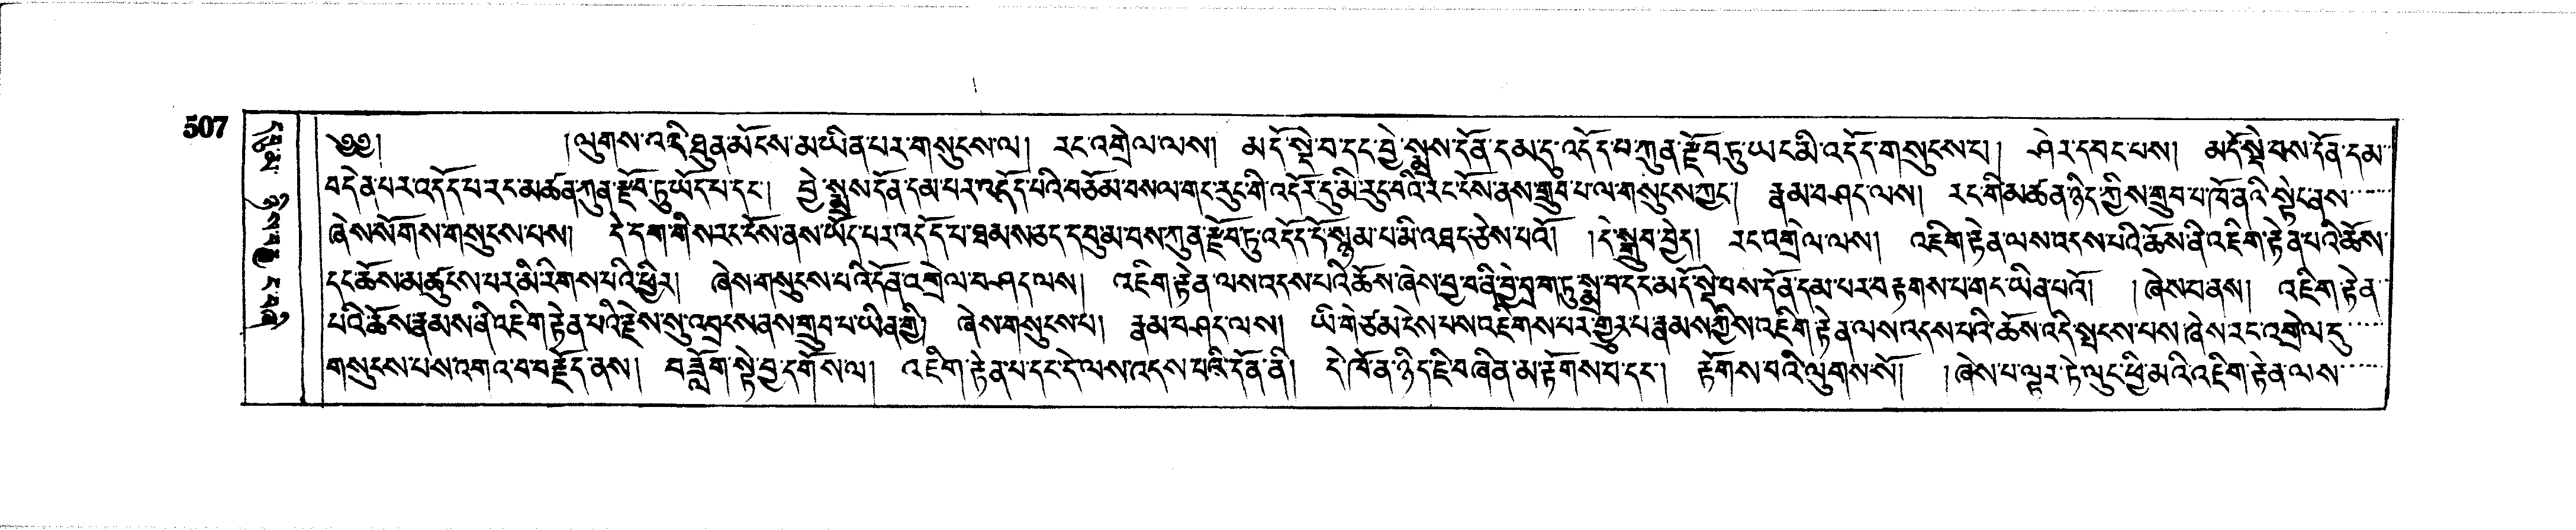༄༅། །ལུགས་འདི་ཐུན་མོངས་མ་ཡིན་པར་གསུངས་ལ། རང་འགྲེལ་ལས། མདོ་སྡེ་བ་དང་བྱེ་སྨྲས་དོན་དམ་དུ་འདོད་པ་ཀུན་རྫོབ་ཏུ་ཡང་མི་འདོད་གསུངས་པ། ཤེར་དབང་པས། མདོ་སྡེ་བས་དོན་དམ་
བདེན་པར་འདོད་པ་རང་མཚན་ཀུན་རྫོབ་ཏུ་ཡོད་པ་དང་། བྱེ་སྨྲས་དོན་དམ་པར་འདོད་པའི་བཅོམ་བསལ་གང་རུང་གི་འདོར་དུ་མི་རུང་བའི་རང་ངོས་ནས་གྲུབ་པ་ལ་གསུངས་ཀྱང་། རྣམ་བཤད་ལས། རང་གི་མཚན་ཉིད་ཀྱིས་གྲུབ་པ་ཁོ་ནའི་སྟེང་ནས་
ཞེས་སོགས་གསུངས་པས། དེ་དག་གིས་རང་ངོས་ནས་ཡོད་པར་འདོད་པ་ཐམས་ཅད་དབུ་མ་བས་ཀུན་རྫོབ་ཏུ་འདོད་དོ་སྙམ་པ་མི་འཐད་ཅེས་པའོ། །དེ་སྒྲུབ་བྱེད། རང་འགྲེལ་ལས། འཇིག་རྟེན་ལས་འདས་པའི་ཆོས་ནི་འཇིག་རྟེན་པའི་ཆོས་
དང་ཆོས་མཚུངས་པར་མི་རིགས་པའི་ཕྱིར། ཞེས་གསུངས་པའི་དོན་འགྲེལ་བཤད་ལས། འཇིག་རྟེན་ལས་འདས་པའི་ཆོས་ཞེས་བྱ་བ་ནི་བྱེ་བྲག་ཏུ་སྨྲ་བ་དང་མདོ་སྡེ་པས་དོན་དམ་པར་བརྟགས་པ་གང་ཡིན་པའོ། །ཞེས་པ་ནས། འཇིག་རྟེན་
པའི་ཆོས་རྣམས་ནི་འཇིག་རྟེན་པའི་རྗེས་སུ་འབྲངས་ནས་གྲུབ་པ་ཡིན་གྱི། ཞེས་གསུངས་པ། རྣམ་བཤད་ལས། ཡི་གེ་ཙམ་ངེས་པས་འཇིགས་པར་གྱུར་པ་རྣམས་ཀྱིས་འཇིག་རྟེན་ལས་འདས་པའི་ཆོས་འདི་སྤངས་པས་ཞེས་རང་འགྲེལ་དུ་
གསུངས་པས་འགའ་བ་བརྗོད་ནས། བཟློག་སྟེ་བྱ་དགོས་ལ། འཇིག་རྟེན་པ་དང་དེ་ལས་འདས་པའི་དོན་ནི། དེ་ཁོ་ན་ཉིད་ཇི་བཞིན་མ་རྟོགས་པ་དང་། རྟོགས་པའི་ལུགས་སོ། །ཞེས་པ་ལྟར་ཏེ་ལུང་ཕྱི་མའི་འཇིག་རྟེན་ལས་